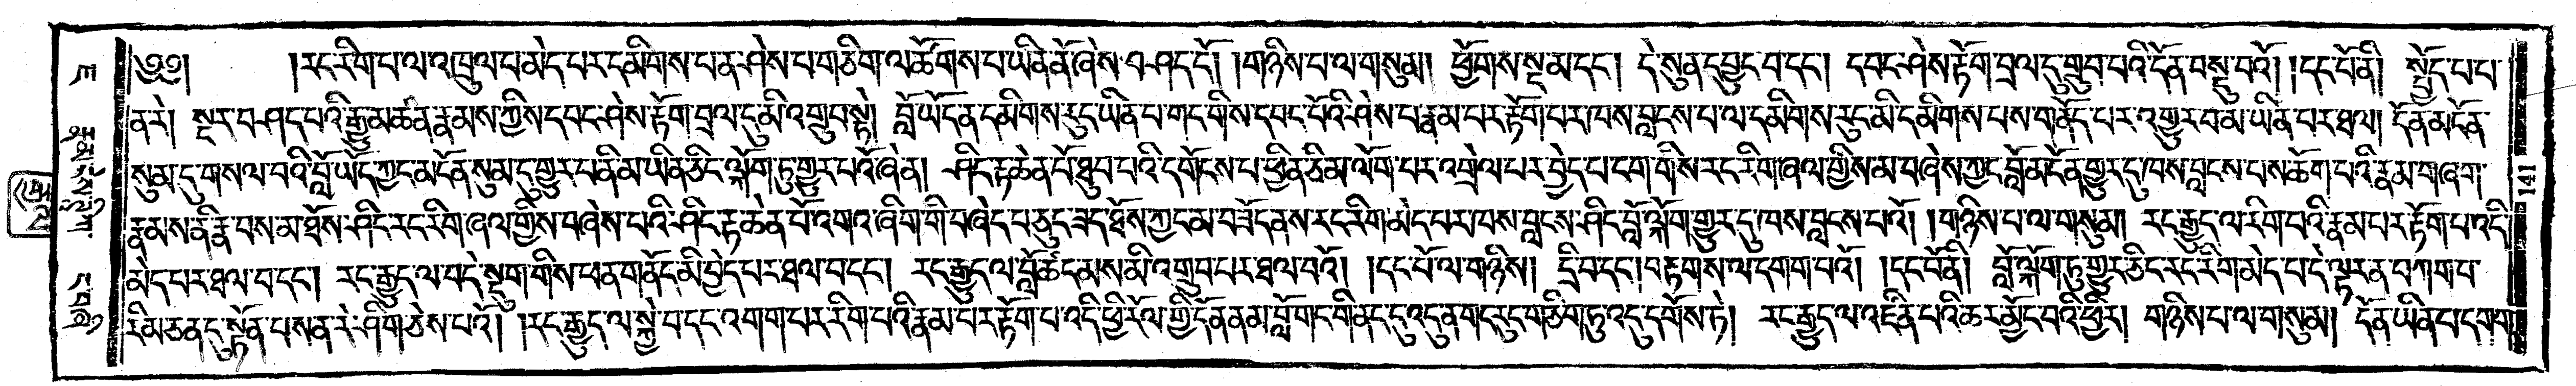༄༅། །རང་རིག་པ་ལ་འཁྲུལ་བ་མེད་པར་དམིགས་པ་ན་ཤེས་པ་གཅིག་ལ་ཚོགས་པ་ཡིན་ནོ་ཞེས་བཤད་དོ། །གཉིས་པ་ལ་གསུམ། ཕྱོགས་སྔ་མ་དང་། དེ་སུན་དབྱུང་བ་དང་། དབང་ཤེས་རྟོག་བྲལ་དུ་གྲུབ་པའི་དོན་བསྡུ་བའོ། །དང་པོ་ནི། སྤྱོད་པ་པ་
ན་རེ། སྔར་བཤད་པའི་རྒྱུ་མཚན་རྣམས་ཀྱིས་དབང་ཤེས་རྟོག་བྲལ་དུ་མི་འགྲུབ་སྟེ། བློ་ཡོད་ན་དམིགས་རུང་ཡིན་པ་གང་གིས་དབང་པོའི་ཤེས་པ་རྣམ་པར་རྟོག་པར་ཁས་བླངས་པ་ལ་དམིགས་རུང་མི་དམིགས་པས་གནོད་པར་འགྱུར་བ་མ་ཡིན་པར་ཐལ། དོན་མངོན་
སུམ་དུ་གསལ་བའི་བློ་ཡོད་ཀྱང་མངོན་སུམ་དུ་གྱུར་པ་ནི་མ་ཡིན་ཅིང་ལྐོག་ཏུ་གྱུར་པའོ་ཞེ་ན། ཤིང་རྟ་ཆེན་པོ་ཐུབ་པའི་དགོངས་པ་ཕྱིན་ཅི་མ་ལོག་པར་འགྲེལ་པར་བྱེད་པ་ངག་གིས་རང་རིག་ཞལ་གྱིས་མ་བཞེས་ཀྱང་བློ་མངོན་གྱུར་དུ་ཁས་བླངས་པས་ཆོག་པའི་རྣམ་གཞག་
རྣམས་ནི་རྣ་བས་མ་ཐོས་ཤིང་རང་རིག་ཞལ་གྱིས་བཞེས་པའི་ཤིང་རྟ་ཆེན་པོ་འགའ་ཞིག་གི་བཞེད་པ་ཅུང་ཟད་ཐོས་ཀྱང་མ་བཟོད་ནས་རང་རིག་མེད་པར་ཁས་བླངས་ཤིང་བློ་ལྐོག་གྱུར་དུ་ཁས་བླངས་པའོ། །གཉིས་པ་ལ་གསུམ། རང་རྒྱུད་ལ་རིག་པའི་རྣམ་པར་རྟོག་པ་འདི་
མེད་པར་ཐལ་བ་དང་། རང་རྒྱུད་ལ་བདེ་སྡུག་གིས་ཕན་གནོད་མི་བྱེད་པར་ཐལ་བ་དང་། རང་རྒྱུད་ལ་བློ་ཚད་མས་མི་འགྲུབ་པར་ཐལ་བའོ། །དང་པོ་ལ་གཉིས། དྲི་བ་དང་། བརྟགས་ལ་དགག་པའོ། །དང་པོ་ནི། བློ་ལྐོག་ཏུ་གྱུར་ཅིང་རང་རིག་མེད་པ་དེ་ལྟར་ན་བཀག་པ་
རིམ་ཅན་དུ་སྟོན་པས་ན་རེ་ཤིག་ཅེས་པའོ། །རང་རྒྱུད་ལ་སྐྱེ་བ་དང་འགག་པར་རིག་པའི་རྣམ་པར་རྟོག་པ་འདི་ཕྱི་རོལ་གྱི་དོན་ནམ་བློ་གང་གི་ནང་དུ་འདུ་ན་གང་རུང་གཅིག་ཏུ་འདུ་དགོས་ཏེ། རང་རྒྱུད་ལ་འཛིན་པའི་ཆར་མྱོང་བའི་ཕྱིར། གཉིས་པ་ལ་གསུམ། དོན་ཡིན་པ་དགག་